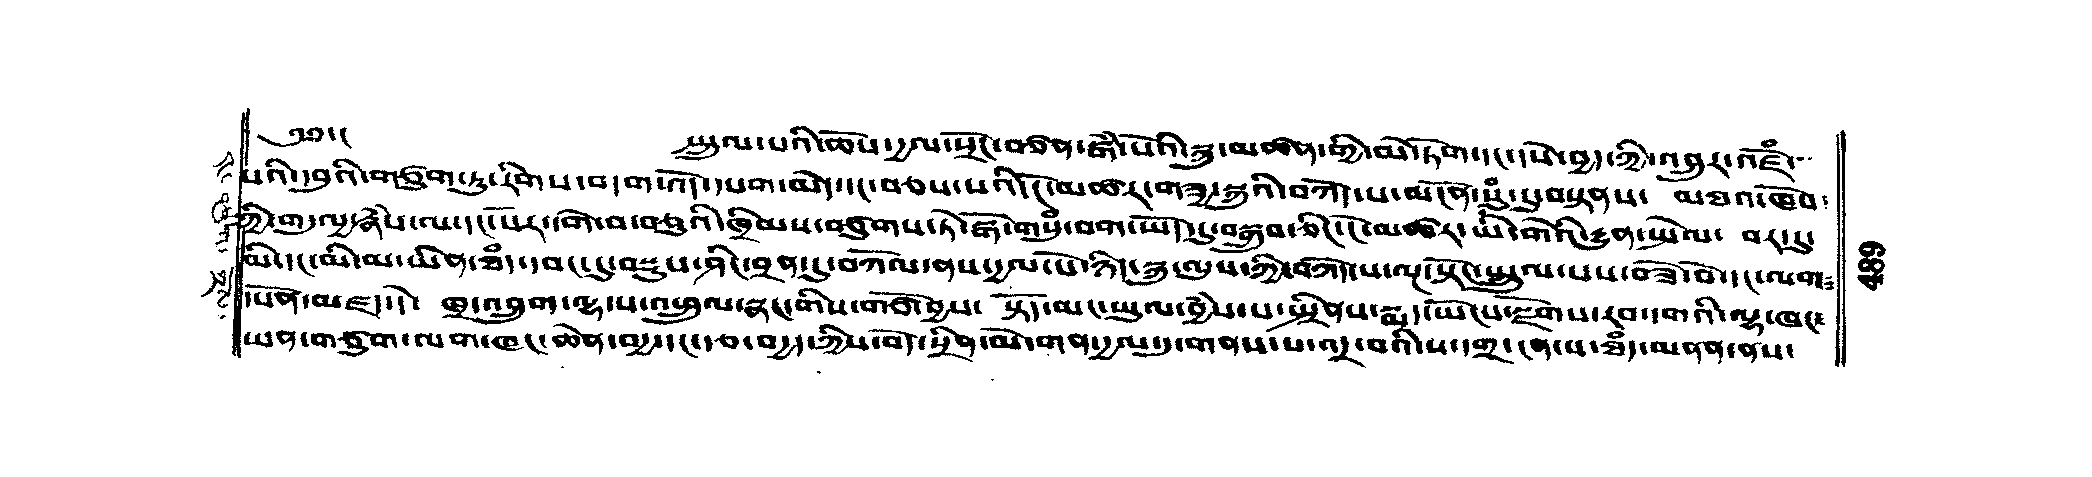སྤྲུལ་པའི་ཆོས་རྒྱལ་སྲོང་བཙན་སྒམ་པོའི་སྐུ་མཚན་གྱི་མེ་ཏོག་དང་དཔེ་བྱད་ཀྱི་འབྲས་བུ་འཛོམས་
པའི་དབུའི་གཙུག་ཏུ་རིགས་བདག་འོད་དཔག་མེད་དང་བཅས་པའི་ངོ་མཚར་གཟུགས་སྐུའི་བཀོད་པ་མངོན་སུམ་དུ་བསྟན་ནས། མཐའ་འཁོབ་
ཀྱི་གདུལ་བྱ་རྣམས་ལ་དང་པོར་དགེ་བ་བཅུའི་ཁྲིམས་བཙུགས་ཏེ་སྒོ་གསུམ་བག་ཡོད་དུ་བསྒྲུབ་ཅིང་ངོ་མཚར་ཡི་གེའི་རྒྱུན་སྤེལ། བར་དུ་
མི་དང་མི་མ་ཡིན་ཐམས་ཅད་དབང་དུ་བསྡུས་ཤིང་བྲན་དུ་བཀོལ་ནས་རྒྱལ་པོ་ཉིད་སྐུ་ལུས་ཀྱི་སྤྲུལ་པ་ལྔ་སྟོང་སྤྲུལ་པས་བཟོ་བོ་དང་ལག་
དཔོན་མཛད་དེ། ཁྲ་འབྲུག་ར་ས་འཕྲུལ་སྣང་གི་གཙོ་བྱས། སྟོད་མང་ཡུལ་བྱམས་པ་སྤྲིན་ནས་སྨད་ཡོངས་རྫོགས་རབ་དགའི་ལྷ་ཁང་
ཡན་གཙུག་ལག་ཁང་ཆེན་བརྒྱ་དང་རྩ་བརྒྱད་ཀྱིས་བོད་སྲིན་མོ་གན་རྒྱལ་དུ་གནས་པ་འདྲ་བའི་ས་དགྲ་ངན་པ་ཐམས་ཅད་མནན་ནས་